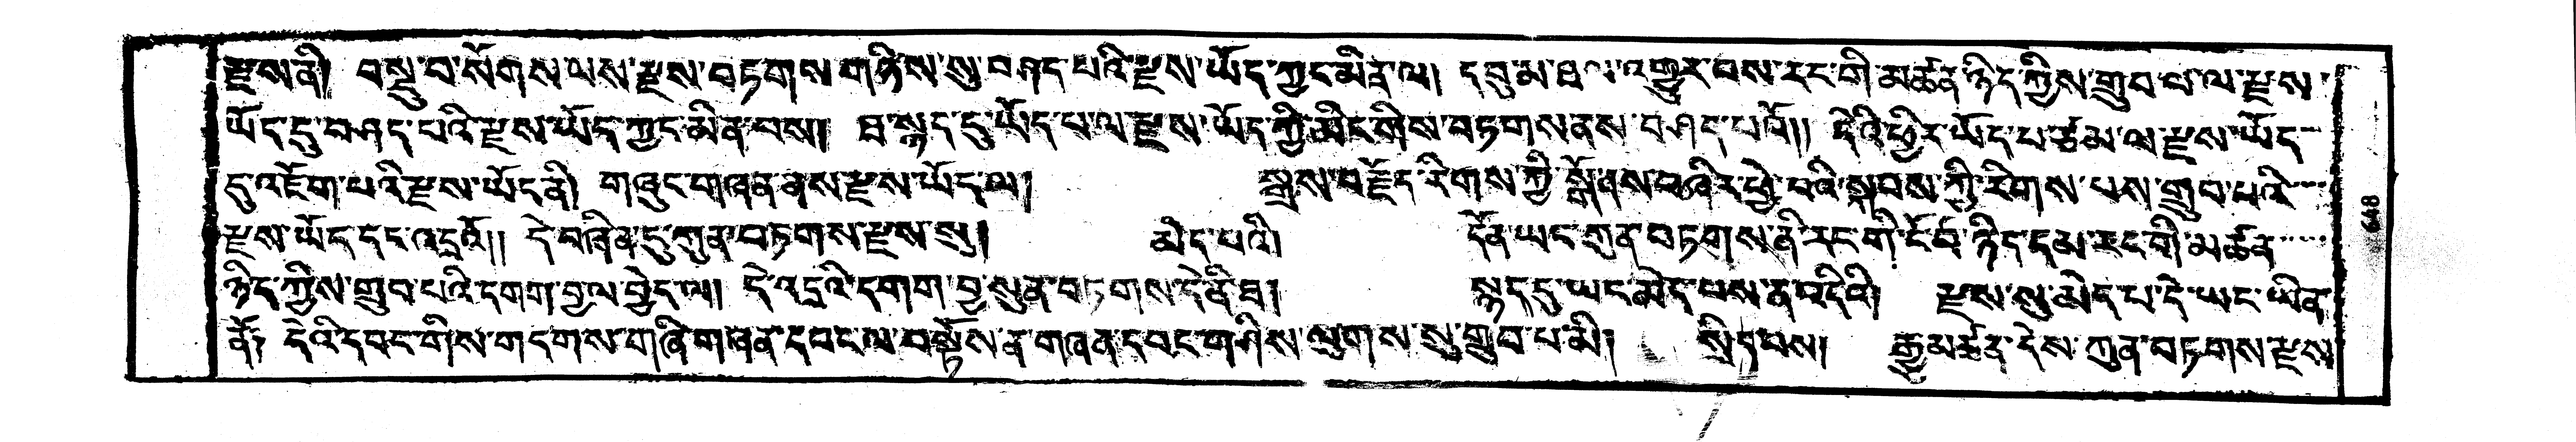རྫས་ནི། བསྡུ་བ་སོགས་ལས་རྫས་བཏགས་གཉིས་སུ་བཤད་པའི་རྫས་ཡོད་ཀྱང་མིན་ལ། དབུ་མ་ཐལ་འགྱུར་བས་རང་གི་མཚན་ཉིད་ཀྱིས་གྲུབ་པ་ལ་རྫས་
ཡོད་དུ་བཤད་པའི་རྫས་ཡོད་ཀྱང་མིན་པས། ཐ་སྙད་དུ་ཡོད་པ་ལ་རྫས་ཡོད་ཀྱི་མིང་གིས་བཏགས་ནས་བཤད་པའོ།། དེའི་ཕྱིར་ཡོད་པ་ཙམ་ལ་རྫས་ཡོད་
དུ་འཇོག་པའི་རྫས་ཡོད་ནི། གཞུང་གཞན་ནས་རྫས་ཡོད་ལ། སྒྲས་བརྗོད་རིགས་ཀྱི་སྒོ་ནས་བཞིར་ཕྱེ་བའི་སྐབས་ཀྱི་རིགས་པས་གྲུབ་པའི་
རྫས་ཡོད་དང་འདྲའོ།། དེ་བཞིན་དུ་ཀུན་བཏགས་རྫས་སུ། མེད་པའི། དོན་ཡང་ཀུན་བཏགས་ནི་རང་གི་ངོ་བོ་ཉིད་དམ་རང་གི་མཚན་
ཉིད་ཀྱིས་གྲུབ་པའི་དགག་བྱ་ལ་བྱེད་ལ། དེ་འདྲའི་དགག་བྱ་སུན་བཏགས་དེ་ནི་ཐ། སྙད་དུ་ཡང་མེད་པས་ན་འདིའི། རྫས་སུ་མེད་པ་དེ་ཡང་ཡིན་
ནོ༑ དེའི་དབང་གིས་གདགས་གཞི་གཞན་དབང་ལ་བསྟོས་ན་གཞན་དབང་གཤིས་ལུགས་སུ་གྲུབ་པ་མི། སྲིད་པས། རྒྱུ་མཚན་དེས་ཀུན་བཏགས་རྫས་